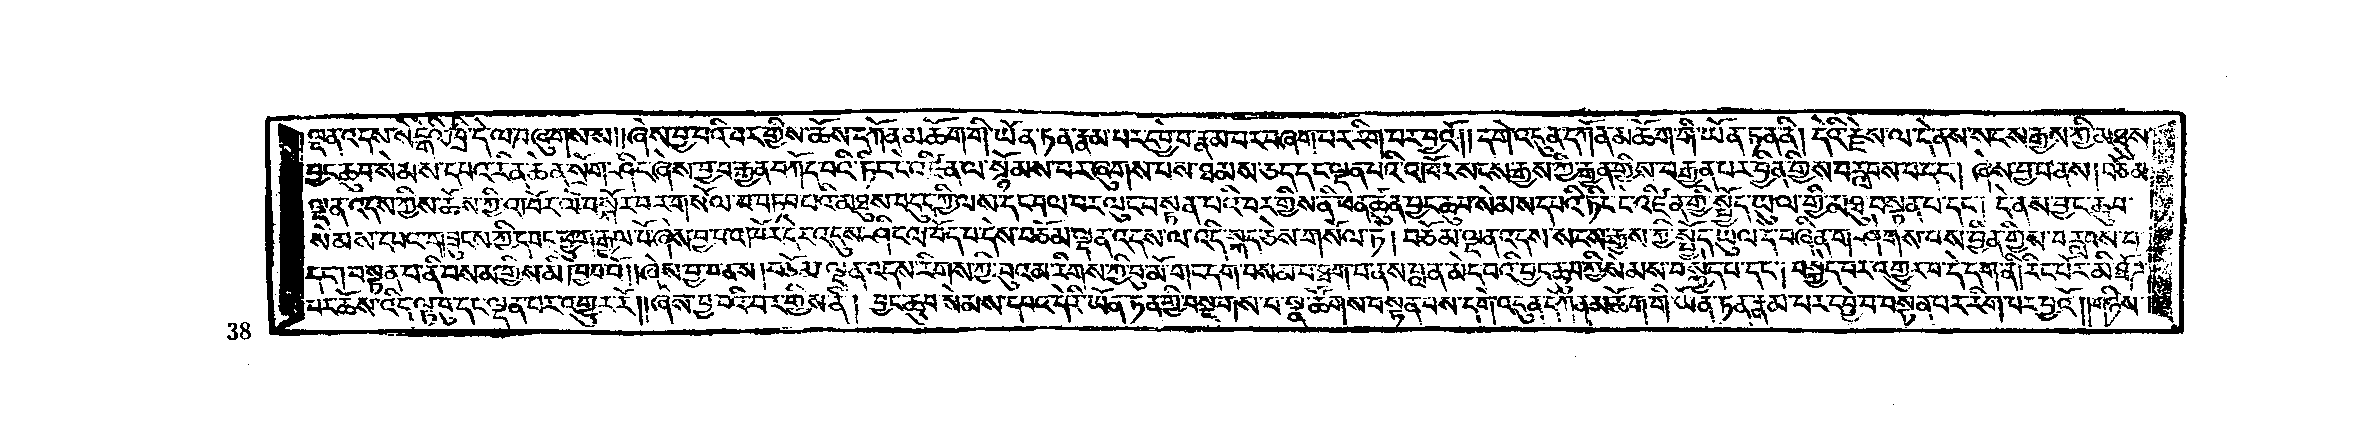ལྡན་འདས་སེངགེའི་ཁྲི་དེ་ལ་བཞུགས་སོ། །ཞེས་བྱ་བའི་བར་གྱིས་ཆོས་དཀོན་མཆོག་གི་ཡོན་ཏན་རྣམ་པར་དབྱེ་བ་རྣམ་པར་བཞག་པར་རིག་པར་བྱའོ། །དགེ་འདུན་དཀོན་མཆོག་གི་ཡོན་ཏན་ནི། དེའི་རྗེས་ལ་དེ་ནས་སངས་རྒྱས་ཀྱི་མཐུས་
བྱང་ཆུབ་སེམས་དཔའ་རིན་ཆེན་སྲོག་ཤིང་ཞེས་བྱ་བ་རྒྱན་བཀོད་པའི་ཏིང་ངེ་འཛིན་ལ་སྙོམས་པར་ཞུགས་པས་ཐམས་ཅད་དང་ལྡན་པའི་འཁོར་སངས་རྒྱས་ཀྱི་རྒྱན་གྱིས་བརྒྱན་པར་བྱིན་གྱིས་བརླབས་པ་དང་། ཞེས་བྱ་བ་ནས། བཅོམ་
ལྡན་འདས་ཀྱིས་ཆོས་ཀྱི་འཁོར་ལོ་བསྐོར་བར་གསོལ་བ་བཏབ་པའི་མཐུས་བདུད་ཀྱི་ལས་དང་བལ་བར་ལུང་བསྟན་པའི་བར་གྱིས་ནི་ཕན་ཚུན་བྱང་ཆུབ་སེམས་དཔའི་ཏིང་ངེ་འཛིན་གྱི་སྤྱོད་ཡུལ་གྱི་མཐུ་བསྟན་པ་དང་། དེ་ནས་བྱང་ཆུབ་
སེམས་དཔའ་གཟུངས་ཀྱི་དབང་ཕྱུག་རྒྱལ་པོ་ཞེས་བྱ་བ་འཁོར་དེར་འདུས་ཤིང་འཁོད་པ་དེས་བཅོམ་ལྡན་འདས་ལ་འདི་སྐད་ཅེས་གསོལ་ཏེ། བཅོམ་ལྡན་འདས་སངས་རྒྱས་ཀྱི་སྤྱོད་ཡུལ་དེ་བཞིན་གཤེགས་པས་བྱིན་གྱིས་བརླབས་པ་
དང་། བསྟན་པ་ནི་བསམ་གྱིས་མི་ཁྱབ་བོ། །ཞེས་བྱ་བ་ནས། བཅོམ་ལྡན་འདས་རིགས་ཀྱི་བུའམ་རིགས་ཀྱི་བུ་མོ་གང་དག་བསམ་པ་ཐག་པ་ནས་བླ་ན་མེད་པའི་བྱང་ཆུབ་ཀྱི་སེམས་བསྐྱེད་པ་དང་། བསྐྱེད་པར་འགྱུར་བ་དེ་དག་ནི། རིང་པོར་མི་ཐོགས་
པར་ཆོས་འདི་ལྟ་བུ་དང་ལྡན་པར་འགྱུར་རོ། །ཞེས་བྱ་བའི་བར་གྱིས་ནི། བྱང་ཆུབ་སེམས་དཔའ་དེའི་ཡོན་ཏན་གྱི་བསྔགས་པ་སྣ་ཚོགས་བསྟན་པས་དགེ་འདུན་དཀོན་མཆོག་གི་ཡོན་ཏན་རྣམ་པར་དབྱེ་བ་བསྟན་པར་རིག་པར་བྱའོ། །གཉིས་